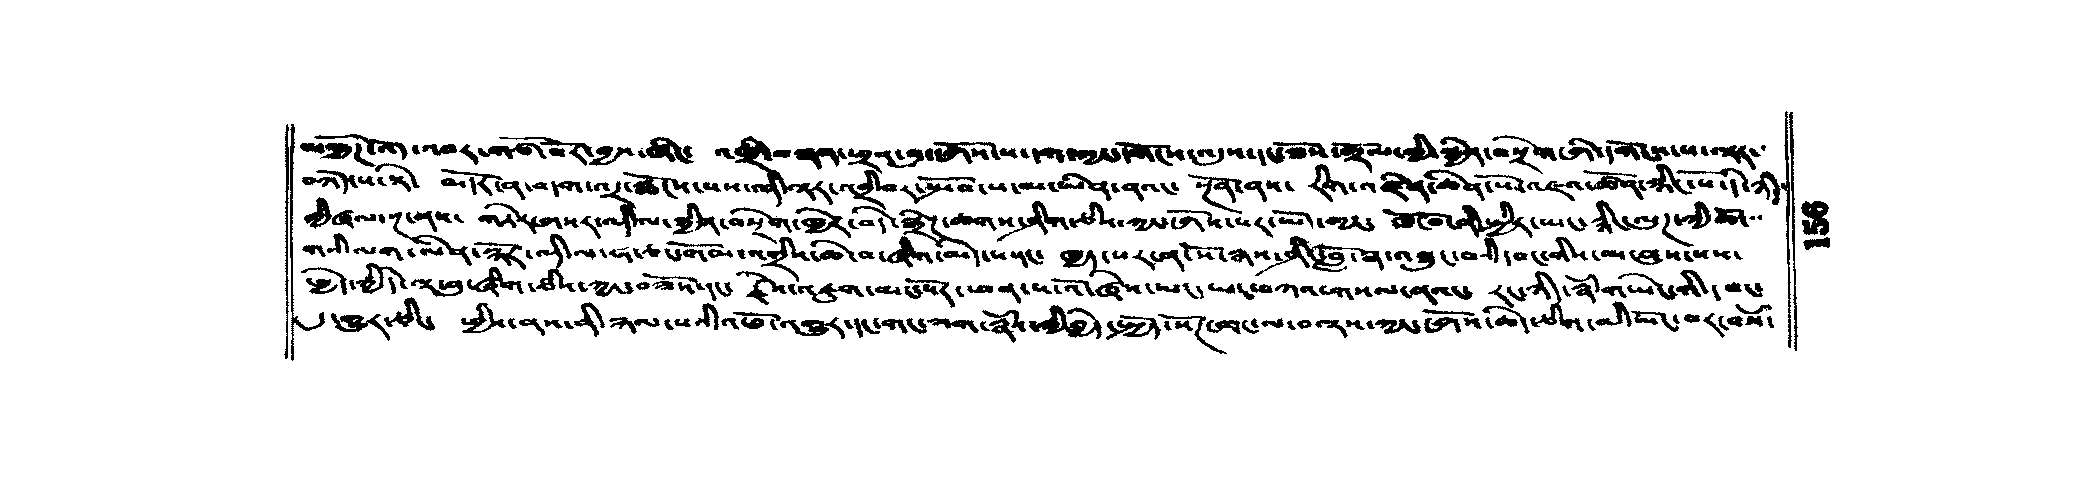མགྱོགས་འོད་འབར་གཙོ་བོར་བྱས་ཞིང་། འཁྲི་བསྣན་ཕྲན་བུ་དགོས་པ་དག་ཀྱང་དགོངས་འདུས་དང་ཐོས་གྲོལ་གྱི་སྦྱིན་བསྲེག་གི་དགོངས་པ་ལྟར་
བཀོད་པ་སྟེ། མདོར་ན་བདག་འདྲ་རྨོངས་པས་འདི་ལྟར་འབྲི་བར་སྤོབས་པ་མ་ཡིན་ནའང་། སྔོན་ནས་རིག་འཛིན་ཆེན་པོ་འཇའ་སྙིང་་པོ་དེ་ཉིད་
གྱི་ཞལ་སྔ་ནས། གཏེར་གསར་འདི་ལ་སྦྱིན་བསྲེག་ཁྱེར་བདེ་སྒྲིགས་ཆགས་ཤིག་ཅིས་ཀྱང་དགོས་པར་ཡོད་ཀྱང་། ཁོ་བོ་ནི་སྤྱིར་ཡང་རྙིང་ལུགས་ཀྱི་ཆོ་
གའི་ལག་ལེན་སྐོར་འདི་ལ་ཧ་ཅང་གོམ་འགྲིས་ཆེ་བ་ཞིག་མེད་པ་དང་། ཁྱད་པར་ན་སོ་རྒས་ཞིང་བློ་སྣ་ཐུང་བའི་དབང་གིས་མ་ནུས་པས་
ཁྱེད་ཀྱི་དེ་ལྟ་བུ་ཞིག་ཅིས་ཀྱང་བཟོས་དང་། རྗེས་འཇུག་མང་པོར་ཕན་པའོ་ཞེས་ཡང་ཡང་བཀའ་གསལ་ནའང་། རང་ཉིད་རྣམ་གཡེང་གི་དབང་
དུ་གྱུར་ཅིང་། ཕྱིས་ནས་ནི་སྐལཔའི་འཕོ་འགྱུར་དང་གང་ཟག་རྣམས་ཀྱི་བྱེད་སྤྱོད་སོགས་གང་ལ་བལྟས་ཀྱང་དགོས་ཆེད་ཅིག་མི་ཡོང་བར་བསམ་